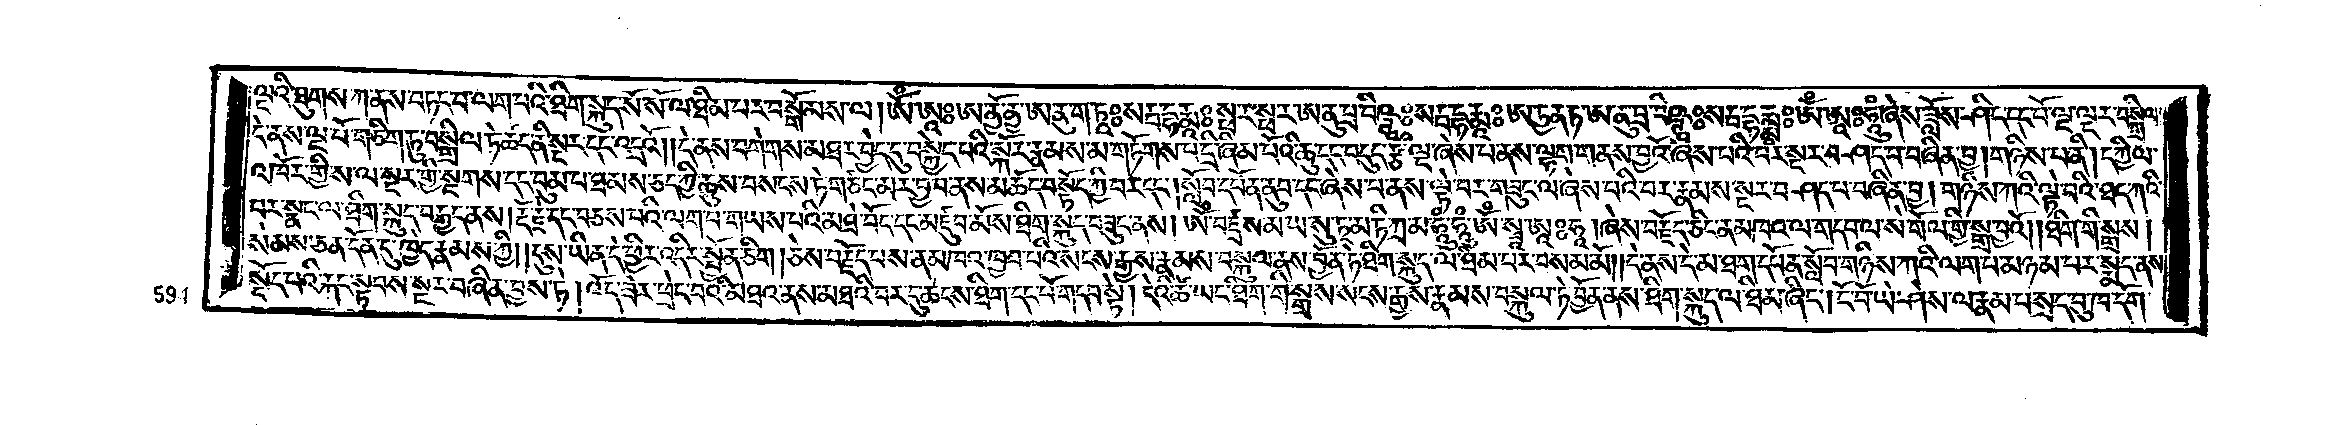ལྔའི་ཐུགས་ཀ་ནས་བཏང་བ་ལག་པའི་ཐིག་སྐུད་སོ་སོ་ལ་ཐིམ་པར་བསྒོམས་ལ། ཨོཾ་ཨཱཿ ཨ་ནྱོ་ནྱ་ཨ་ནུ་ག་ཏཱཿ སརྦ་དྷརྨཱཿ སྥ་ར་སྥ་ར་ཨ་ནུ་པྲ་བིཥཊཱཿ སརྦ་དྷརྨཱཿ ཨ་ཏྱན་ཏ་ཨ་ནུ་པྲི་བིཥའཊཿ སརྦ་དྷརྨྨཱཿ ཨོཾ་ཨཱཿ ཧཱུཾ་ཞེས་ཟློས་ཤིང་དང་པོ་ལྔ་ལྔར་བསྒྲིལ།
དེ་ནས་ལྔ་པོ་གཅིག་ཏུ་བསྒྲིལ་ཏེ་ཚད་ནི་སྔར་དང་འདྲའོ། །དེ་ནས་བགེགས་མཐར་བྱེད་དུ་བསྐྱེད་པའི་སྐོར་རྣམས་མ་གཏོགས་པ་དྲི་ཞིམ་པོའི་ཆུ་དང་བདུད་རྩི་ལྔ་ཞེས་པ་ནས་ལྷག་གནས་བྱའོ་ཞེས་པའི་བར་སྔར་བཤད་པ་བཞིན་བྱ། གཉིས་པ་ནི། དཀྱིལ་
འཁོར་གྱི་ས་ལ་སྔར་གྱི་སྔགས་དང་བུམ་པ་ཐམས་ཅད་ཀྱི་ཆུས་བསངས་ཏེ་གཙང་མར་བྱ་བ་ནས་མཆོད་བསྟོད་ཀྱི་བར་དང་། སློབ་དཔོན་ནུབ་དང་ཞེས་པ་ནས་ལྟེ་བར་གཟུང་ལ་ཞེས་པའི་བར་རྣམས་སྔར་བཤད་པ་བཞིན་བྱ། གཉིས་ཀའི་ལྟེ་བའི་ཐད་ཀའི་
བར་སྣང་ལ་ཐིག་སྐུད་བརྐྱང་ནས། རྡོ་རྗེ་དང་བཅས་པའི་ལག་པ་གཡས་པའི་མཐེ་བོང་དང་མཛུབ་མོས་ཐིག་སྐུད་བཟུང་ནས། ཨོཾ་བྫྲས་མ་ཡ་སུ་ཏྲ་མ་ཏི་ཀྲ་མ་ཧཱུཾ་ཧཱུཾ་ཨོཾ་སྭཱ་ཨཱཿ ཧཱ། ཞེས་བརྗོད་ཅིང་ནམ་མཁའ་ལ་གདབ་ལ་ས་གོལ་གྱི་སྒྲ་བྱའོ། །ཐིག་གི་སྒྲས།
སེམས་ཅན་དོན་དུ་ཁྱེད་རྣམས་ཀྱི། །དུས་ཡིན་དེ་ཕྱིར་འདིར་སྤྱོན་ཅིག །ཅེས་བརྗོད་པས་ནམ་མཁའ་ཁྱབ་པའི་སངས་རྒྱས་རྣམས་བསྐུལ་ནས་བྱོན་ཏེ་ཐིག་སྐུད་ལ་ཐིམ་པར་བསམ་མོ། །དེ་ནས་དེ་མ་ཐག་དཔོན་སློབ་གཉིས་ཀའི་ལག་པ་མཉམ་པར་སྨད་ནས་
སྡོད་པའི་རྐང་སྟབས་སྔར་བཞིན་བྱས་ཏེ། འོད་ཟེར་ཕྲེང་བའི་མཐའ་ནས་མཐའི་བར་དུ་ཚངས་ཐིག་དང་པོ་གདབ་སྟེ། དེའི་ཚེ་ཡང་ཐིག་གི་སྒྲས་སངས་རྒྱས་རྣམས་བསྐུལ་ཏེ་བྱོན་ནས་ཐིག་སྐུད་ལ་ཐིམ་ཞིང་། ངོ་བོ་ཡེ་ཤེས་ལ་རྣམ་པ་སྲད་བུ་ཁ་དོག་